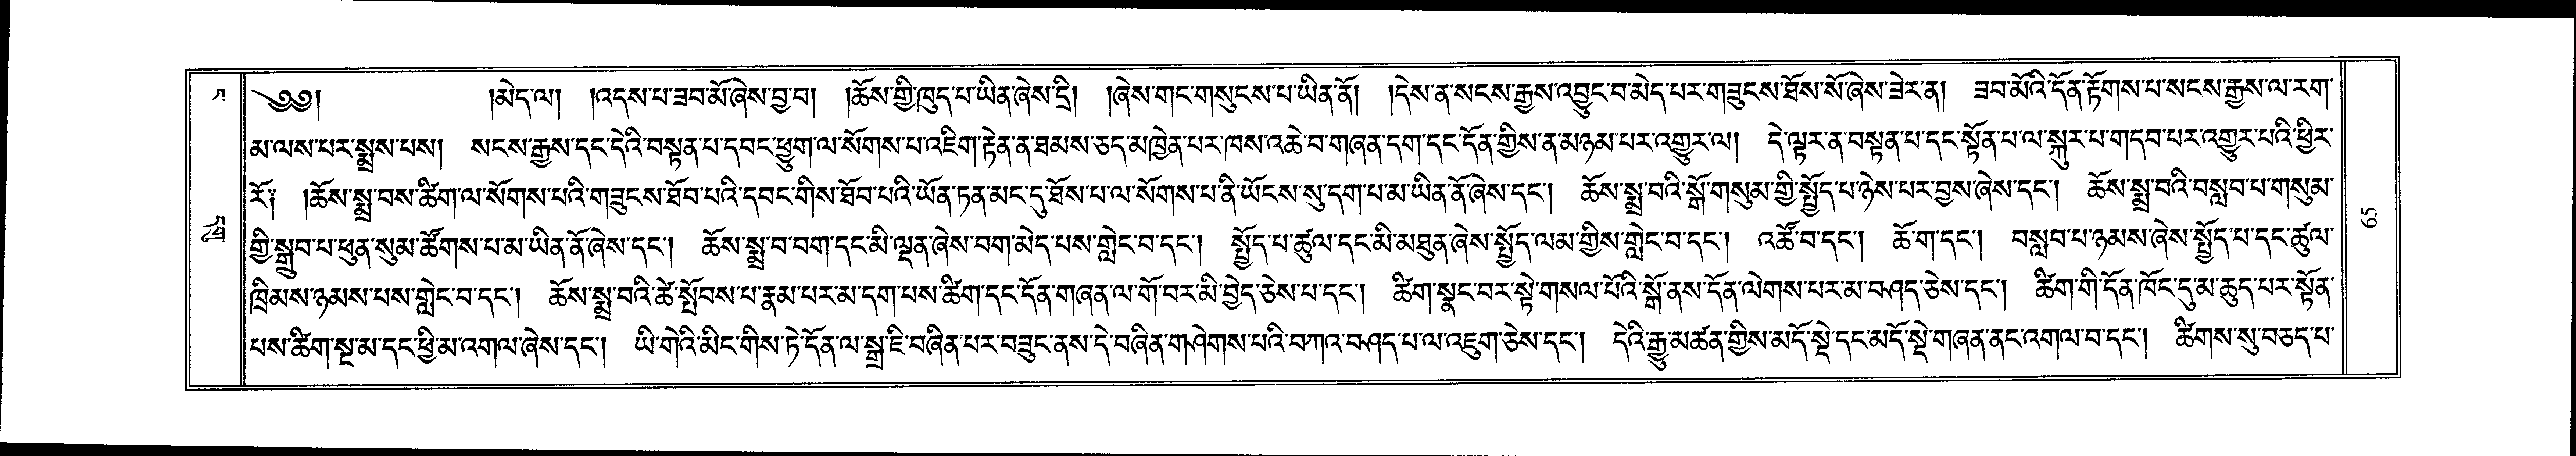༄༅། །མེད་ལ། །འདས་པ་ཟབ་མོ་ཞེས་བྱ་བ། །ཆོས་གྱི་ཁུད་པ་ཡིན་ཞེས་དྲི། །ཞེས་གང་གསུངས་པ་ཡིན་ནོ། །དེས་ན་སངས་རྒྱས་འབྱུང་བ་མེད་པར་གཟུངས་ཐོས་སོ་ཞེས་ཟེར་ན། ཟབ་མོའི་དོན་རྟོགས་པ་སངས་རྒྱས་ལ་རག་
མ་ལས་པར་སྨྲས་པས། སངས་རྒྱས་དང་དེའི་བསྟན་པ་དབང་ཕྱུག་ལ་སོགས་པ་འཇིག་རྟེན་ན་ཐམས་ཅད་མཁྱེན་པར་ཁས་འཆེ་བ་གཞན་དག་དང་དོན་གྱིས་ན་མཉམ་པར་འགྱུར་ལ། དེ་ལྟར་ན་བསྟན་པ་དང་སྟོན་པ་ལ་སྐུར་པ་གདབ་པར་འགྱུར་པའི་ཕྱིར་
རོ། །ཆོས་སྨྲ་བས་ཚིག་ལ་སོགས་པའི་གཟུངས་ཐོབ་པའི་དབང་གིས་ཐོབ་པའི་ཡོན་ཏན་མང་དུ་ཐོས་པ་ལ་སོགས་པ་ནི་ཡོངས་སུ་དག་པ་མ་ཡིན་ནོ་ཞེས་དང་། ཆོས་སྨྲ་བའི་སྒོ་གསུམ་གྱི་སྤྱོད་པ་ཉེས་པར་བྱས་ཞེས་དང་། ཆོས་སྨྲ་བའི་བསླབ་པ་གསུམ་
གྱི་སྒྲུབ་པ་ཕུན་སུམ་ཚོགས་པ་མ་ཡིན་ནོ་ཞེས་དང་། ཆོས་སྨྲ་བ་བག་དང་མི་ལྡན་ཞེས་བག་མེད་པས་གླེང་བ་དང་། སྤྱོད་པ་ཚུལ་དང་མི་མཐུན་ཞེས་སྤྱོད་ལམ་གྱིས་གླེང་བ་དང་། འཚོ་བ་དང་། ཆོ་ག་དང་། བསླབ་པ་ཉམས་ཞེས་སྤྱོད་པ་དང་ཚུལ་
ཁྲིམས་ཉམས་པས་གླེང་བ་དང་། ཆོས་སྨྲ་བའི་ཚེ་སྤོབས་པ་རྣམ་པར་མ་དག་པས་ཚིག་དང་དོན་གཞན་ལ་གོ་བར་མི་བྱེད་ཅེས་པ་དང་། ཚིག་སྣང་བར་སྟེ་གསལ་པོའི་སྒོ་ནས་དོན་ལེགས་པར་མ་བཤད་ཅེས་དང་། ཚིག་གི་དོན་ཁོང་དུ་མ་ཆུད་པར་སྟོན་
པས་ཚིག་སྔ་མ་དང་ཕྱི་མ་འགལ་ཞེས་དང་། ཡི་གེའི་མིང་གིས་ཏེ་དོན་ལ་སྒྲ་ཇི་བཞིན་པར་བཟུང་ནས་དེ་བཞིན་གཤེགས་པའི་བཀའ་བཤད་པ་ལ་འཇུག་ཅེས་དང་། དེའི་རྒྱུ་མཚན་གྱིས་མདོ་སྡེ་དང་མདོ་སྡེ་གཞན་ནང་འགལ་བ་དང་། ཚིགས་སུ་བཅད་པ་